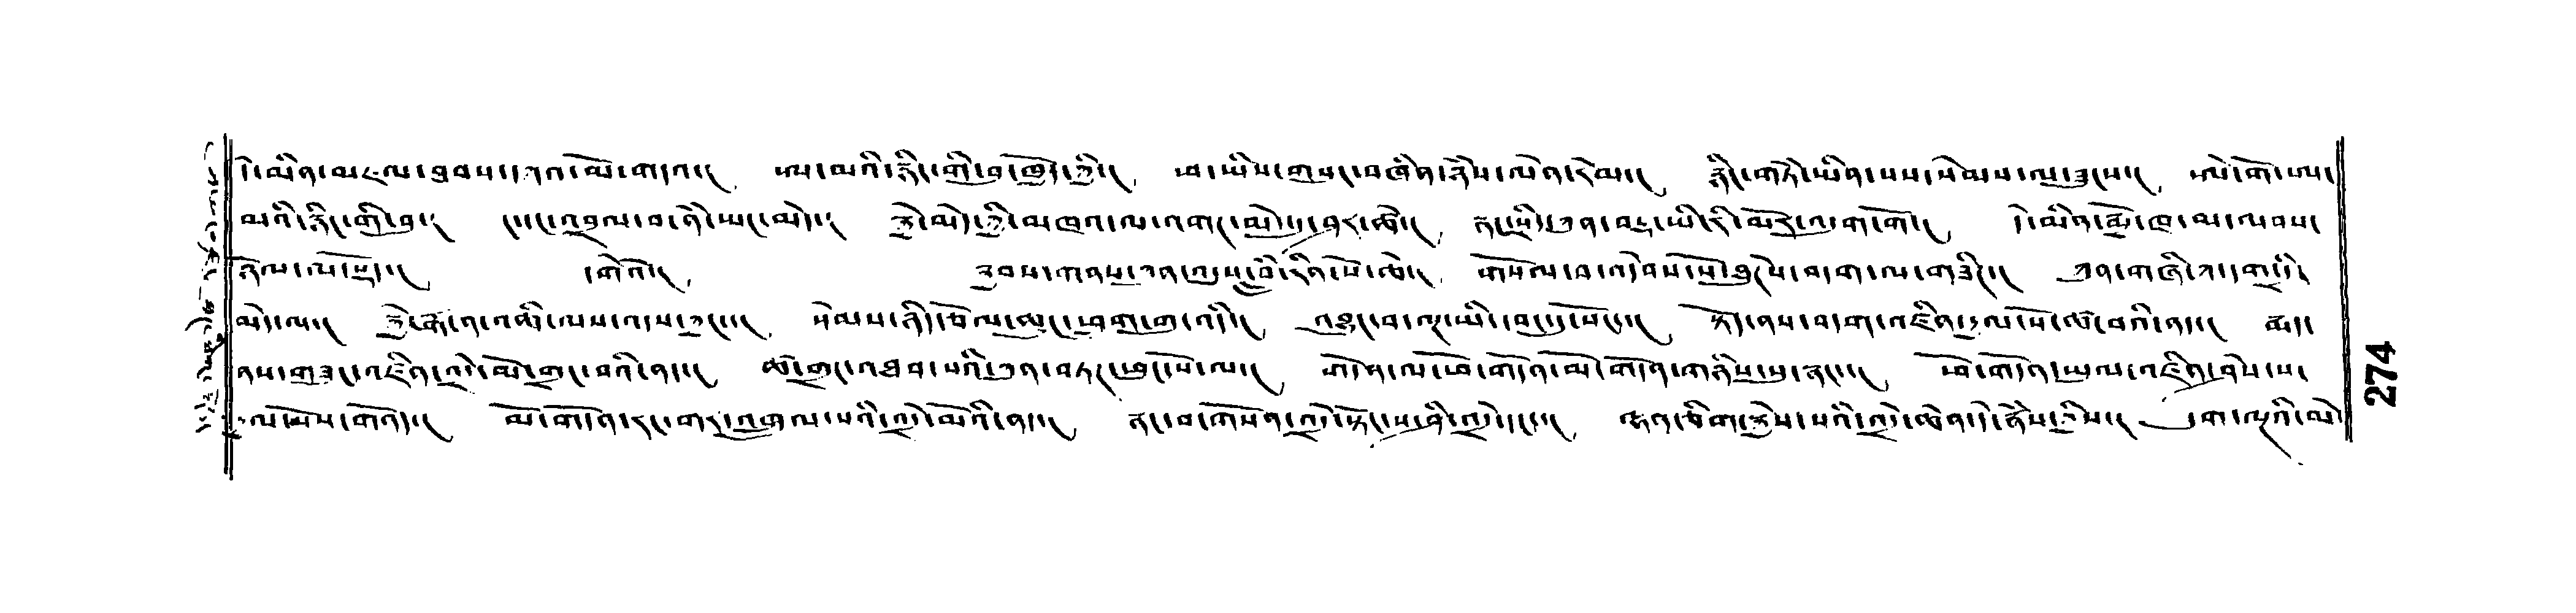།དེ་མིན་མཇལ་ཐབས་དཀའ་མོ་གདའ། །ཨ་མའི་སྙིང་གི་བུ་ཁྱོད་ཀྱི། །ཕ་ཡིས་གསུང་བཞིན་ཉམས་ལེན་རེམ། །སྙིང་གཏམ་ཡིན་པས་སེམས་ལ་ཟུངས། །ཨེ་གོ་ཨ་
མའི་སྙིང་གི་བུ། །ང་དང་འབྲལ་བ་ནམ་ཡང་མེད། །སྐྱེ་མེད་ཀྱི་མཁའ་ལ་འགག་མེད་དུ་ཤར་ཚེ། །སྣང་སྲིད་ཀུན་བརྡ་ཡི་རི་མོར་འདུག་གོ །དེ་མིན་སྨྱོ་ཁ་མ་ལབ་
ཉོལ་ལ་སྡོད། དགེའོ།། སྐྱབས་གནས་ཀུན་འདུས་བླ་མ་རིན་པོ་ཆེ། །གསོལ་བ་འདེབས་སོ་ཐུགས་རྗེས་བདག་ལ་གཟིགས། །ཀུན་གཞི་ཀ་དག་དྲི་
མེད་ལ། །སྐྱེ་རྒ་ན་འཆི་ལས་འདས་ཀྱང་། །སེམས་ཉིད་ཅོལ་ཆུང་ཕྲུག་གུ་འདི། །འབྱུང་བ་ལྔ་ཡི་དབང་དུ་སོང་། །སྟོད་ནས་བདག་འཛིན་རྒྱལ་པོ་ཚ་བའི་ནད། །སྨད་
ནས་གཟུང་འཛིན་འདྲེ་མོ་གྲང་བའི་ནད། །ཚ་གྲང་འཐབ་པའི་ཀུན་བཏགས་ཕུང་པོ་ལ། །གདོན་ལ་ཕོ་གདོན་མོ་གདོན་གཉིས་སུ་སྣང་། །ཕོ་གདོན་ཡུལ་འཛིན་ཤེས་པ་
རྒྱལ་པོས་གནོད། །མོ་གདོན་རང་གར་འཁྲུལ་པའི་འདྲེ་མོའི་ནད། །སྣང་བ་གསོན་འདྲེ་སྟོང་པ་ཤི་འདྲེ་དང་། །ལྷན་ཅིག་སྐྱེས་པའི་འདྲེ་ཆེན་དེ་རྣམས་ཀྱིས། །དུག་ལྔའི་མེ་